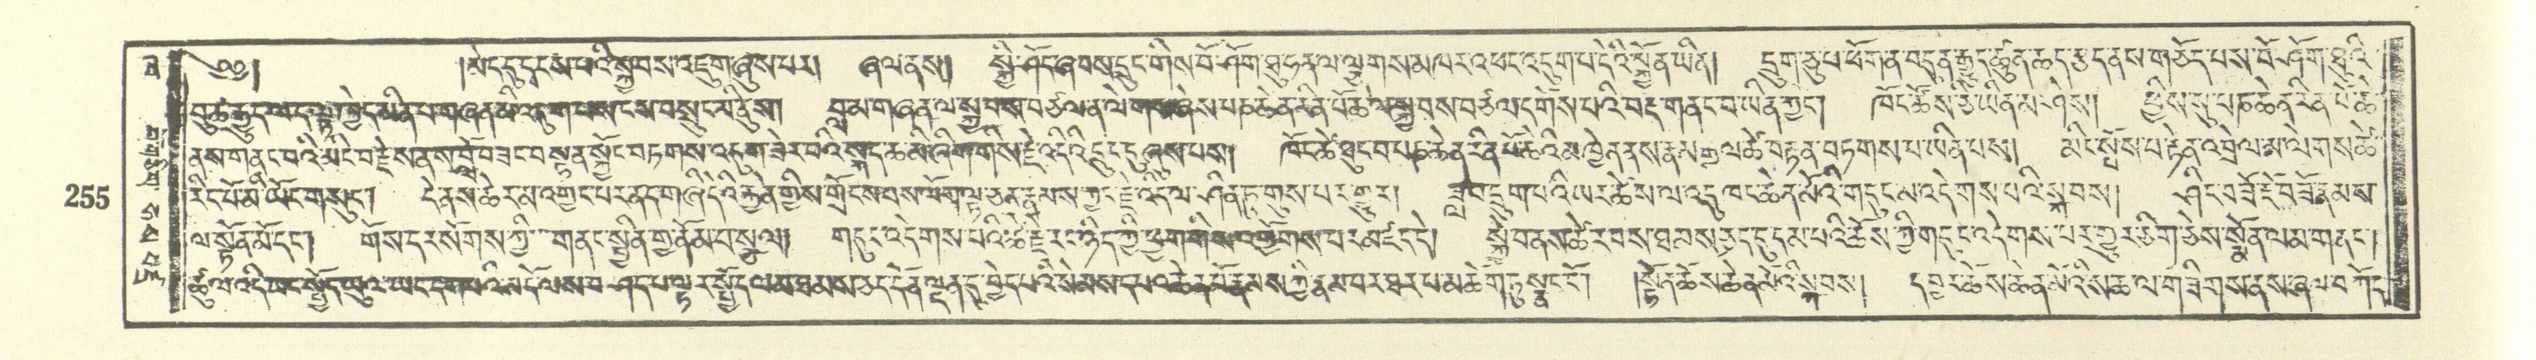༄༅། །མེད་དུ་དྭངས་བའི་སྐྱབས་འཇུག་ཞུས་པར། ཞལ་ནས། སྐྱི་ཤོད་ཞབས་དྲུང་གིས་བོ་ཤོག་ཐུ་ཧན་ལ་ལྕགས་མཁར་འཕང་འདུག་པ་དེའི་སྐྱོན་ཡིན། དྲུག་ཅུ་པ་ཕོག་ན་བདུན་རྒྱུད་ཚུན་ཆད་རྩད་ནས་གཅོད་པས་བོ་ཤོག་ཐུའི་
བུ་ཚ་རྒྱུད་ལ་ད་ལྟ་ཁྱེད་མིན་པ་གཞན་མི་འདུག་པས་ངས་བསྲུང་མི་ནུས། བླ་མ་གཞན་ལ་སྐྱབས་བཙལ་ན་ལེགས་ཞེས་པཎ་ཆེན་རིན་པོ་ཆེ་ལ་སྐྱབས་བཙལ་དགོས་པའི་བརྡ་གནང་བ་ཡིན་ཀྱང་། ཁོང་ཚོས་ཅི་ཡིན་མ་ཤེས། ཕྱིས་སུ་པཎ་ཆེན་རིན་པོ་ཆེ་
ནས་གནང་བའི་མིང་བརྗེས་ནས་བློ་བཟང་བསྟན་སྐྱོང་བཏགས་འདུག་ཟེར་བའི་སྐད་ཆ་མི་ཞིག་གིས་རྗེ་འདིའི་དྲུང་དུ་ཞུས་པས། ཁོང་ཚེ་ཐུང་བ་པཎ་ཆེན་རིན་པོ་ཆེའི་མཁྱེན་ནས་རྣམ་རྒྱལ་ཚེ་བརྟན་བཏགས་པ་ཡིན་པས། མིང་སྤོས་བ་རྟེན་འབྲེལ་མ་ལེགས་ཚེ་
རིང་པོ་མི་ཡོང་གསུང་། དེ་ནས་ཆེར་མ་འགྱང་པར་ནད་གཞི་དེའི་རྐྱེན་གྱིས་གྲོངས་པས་ལོག་ལྟ་ཅན་རྣམས་ཀྱང་རྗེ་འདི་ལ་ཤིན་ཏུ་གུས་པར་གྱུར། ཟླ་བ་དྲུག་པའི་ཡར་ཚེས་ལ་འདུ་ཁང་ཆེན་མོའི་གདུང་མ་འདེགས་པའི་སྐབས། ཤིང་བཟོ་རྡོ་བཟོ་རྣམས་
ལ་སྟོན་མོ་དང་། གོས་དར་སོགས་ཀྱི་གནང་སྦྱིན་གྱ་ནོམ་པ་སྩལ། གདུང་འདེགས་པའི་ཚེ་རྗེ་རང་ཉིད་ཀྱི་ཕྱག་གིས་འགྱོགས་པར་མཛད་དེ། སྐྱེ་བ་ནས་ཚེ་རབས་ཐམས་ཅད་དུ་དམ་པའི་ཆོས་ཀྱི་གདུང་འདེགས་པར་གྱུར་ཅིག་ཅེས་སྨོན་ལམ་གནང་།
ཚུལ་འདི་ཡང་སྤྱོད་ཡུལ་ཡང་དག་པའི་མདོ་ལས་བཤད་པ་ལྟར་སྤྱོད་ལམ་ཐམས་ཅད་དོན་ལྡན་དུ་བྱེད་པའི་སེམས་དཔའ་ཆེན་པོ་རྣམས་ཀྱི་རྣམ་པར་ཐར་པ་མཆོག་ཏུ་སྣང་ངོ། །སྟོན་ཆོས་ཆེན་མོའི་སྐབས། དབྱར་ཆོས་ཆེན་མོའི་ས་ཆ་ལ་གཟིགས་ནས་ཞལ་བཀོད་